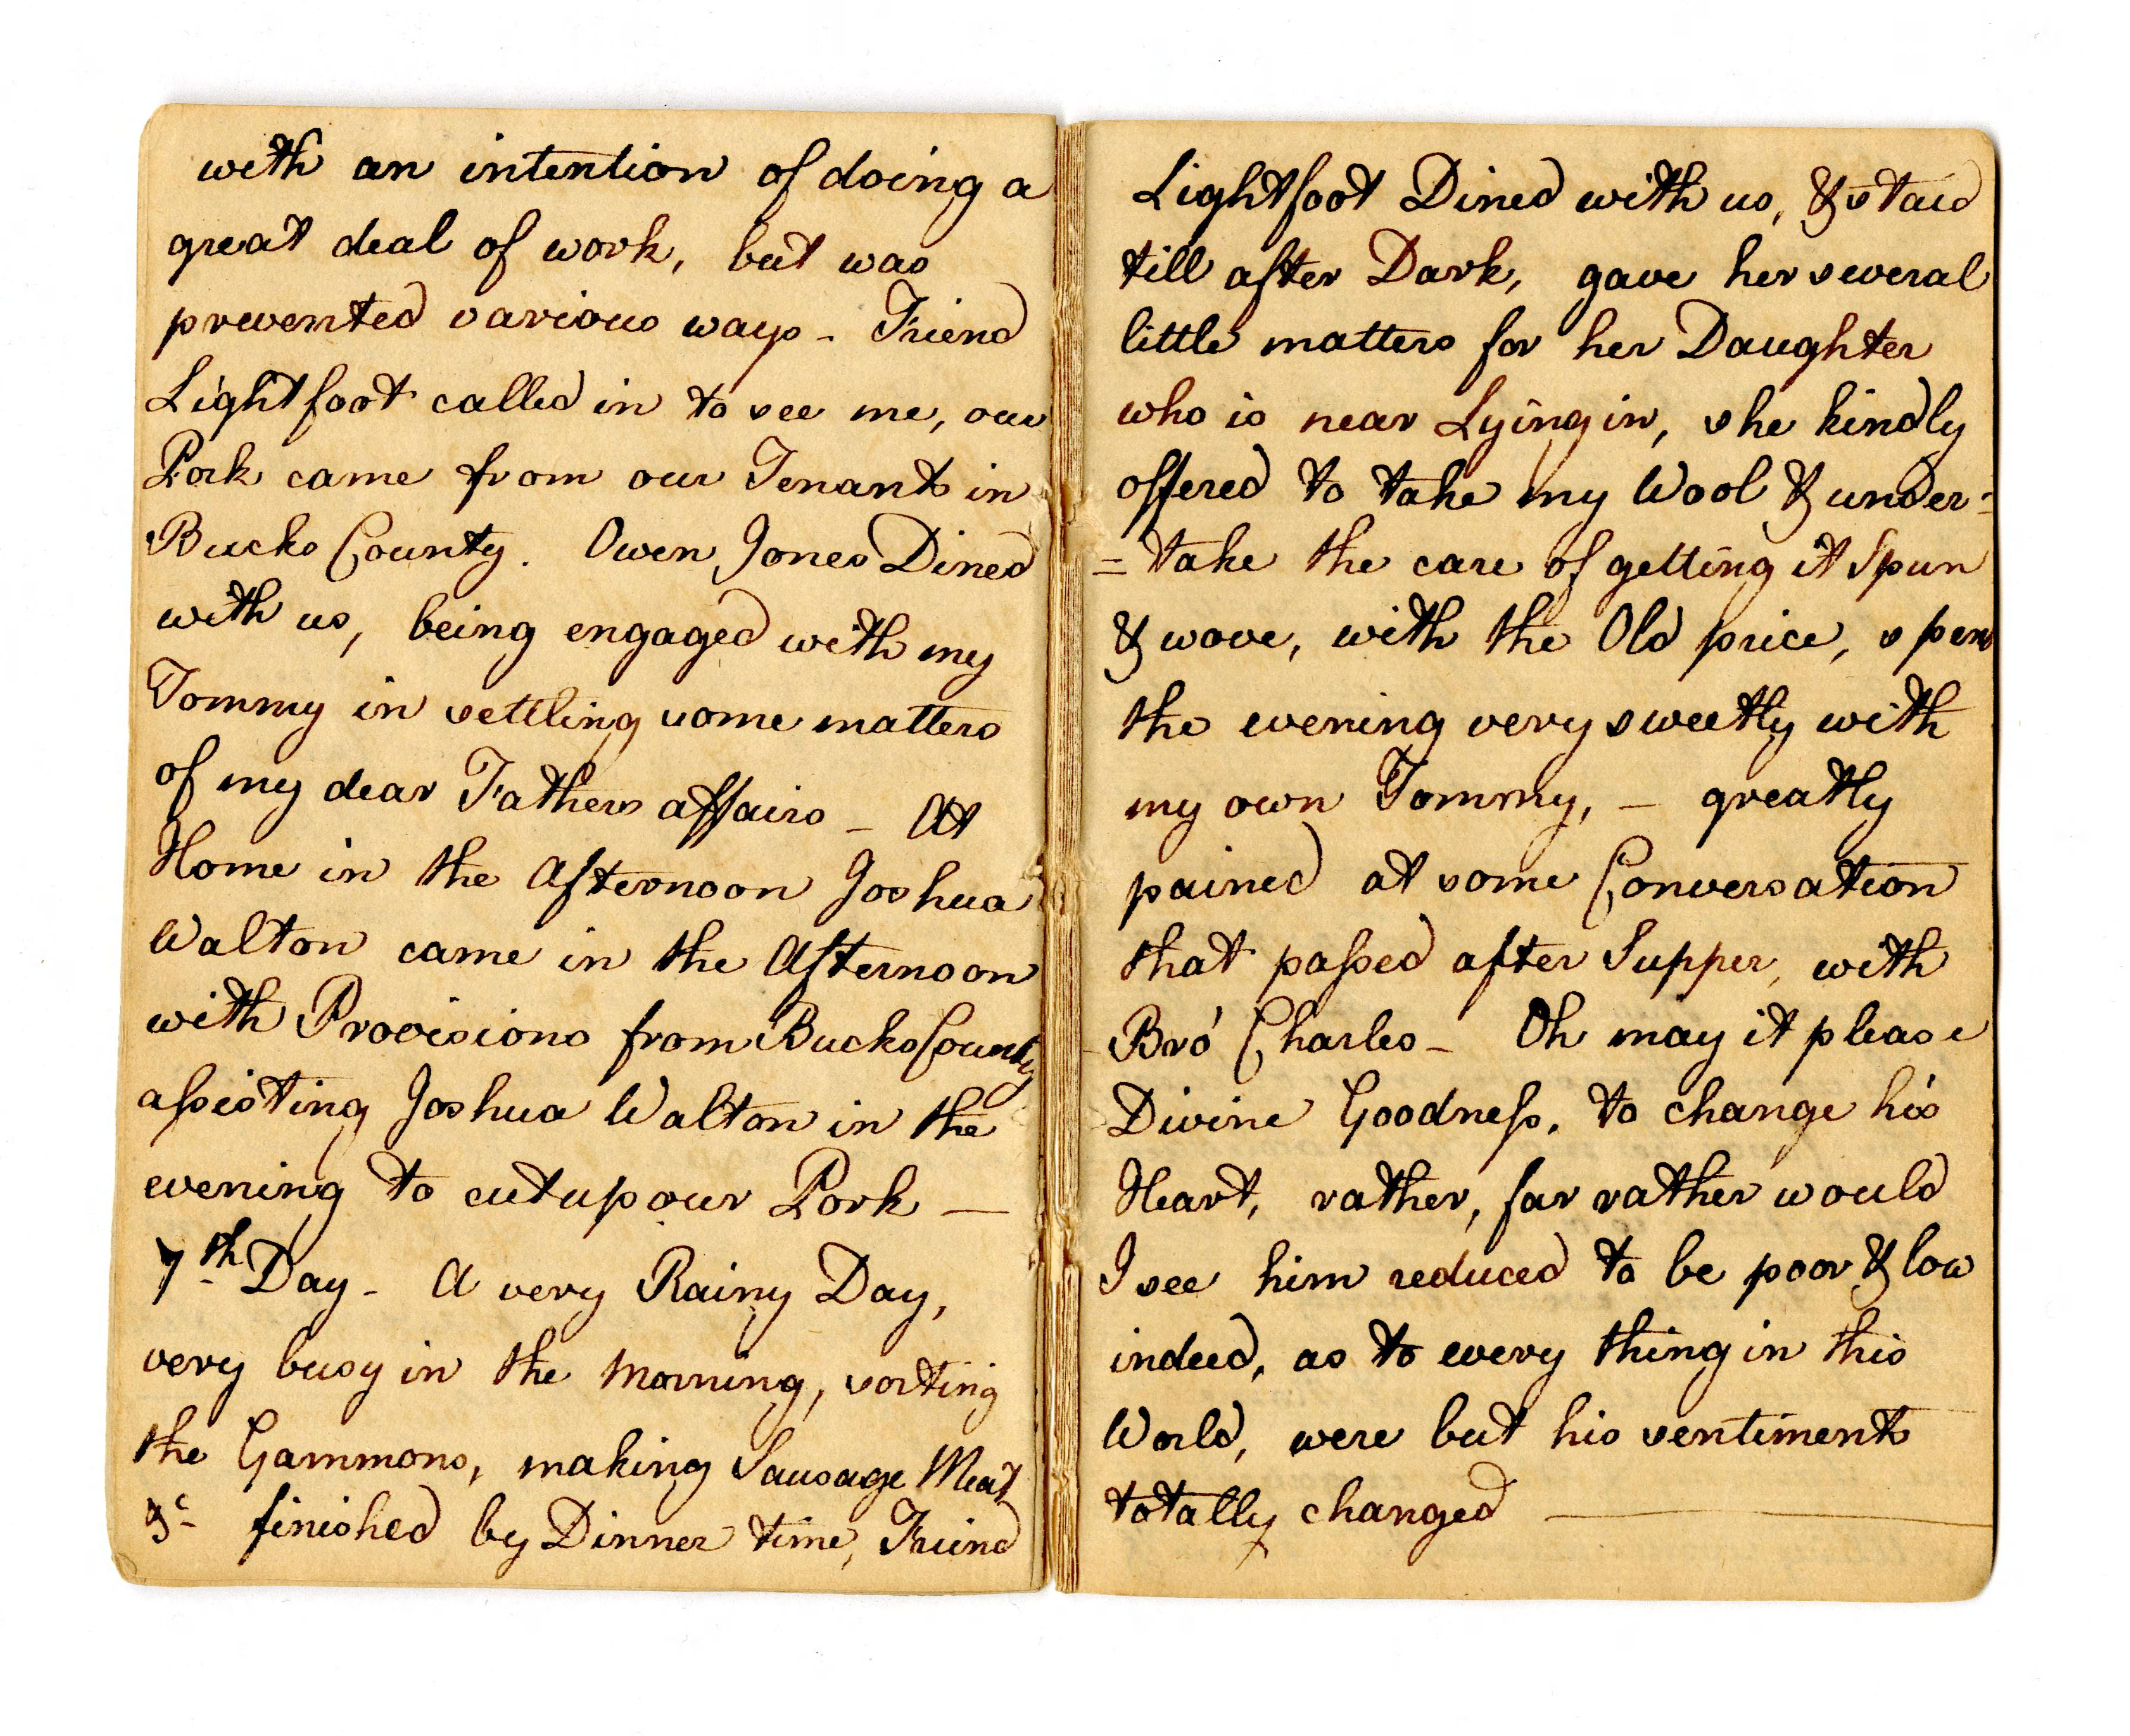with an intention of doing a
great deal of work, but was
prevented various ways- Friend
Light foot called in to see me, our
Pork came from our Tenants in
Bucks County. Owen Jones Dined
with us, being engaged with my
Tommy in settling some matters
of my dear Fathers affairs- At
Home in the Afternoon Joshua
Walton came in the Afternoon
with Provisions from Bucks County
assisting Joshua Walton in the
evening to cut up our Pork-
7^th Day- A very Rainy Day,
very busy in the Morning, sorting
the Gammons, making Sausage Meat
&^c- finished by Dinner time, Friend
Lightfoot Dined with us, & staid
till after Dark, gave her several
little matters for her Daughter
who is near Lying in, she kindly
oftered to take my Wool & under-
-take the care of getting it Spun
& wove, with the Old price, spen
the evening very sweetly with
my own Tommy,- greatly
pained at some Conversation
that passed after Supper, with
Bro' Charles- Oh may it please
Divine Goodness, to change his
Heart, rather, far rather would
I see him reduced to be poor & low
indeed, as to every thing in this
World, were but his sentiments
totally changed-